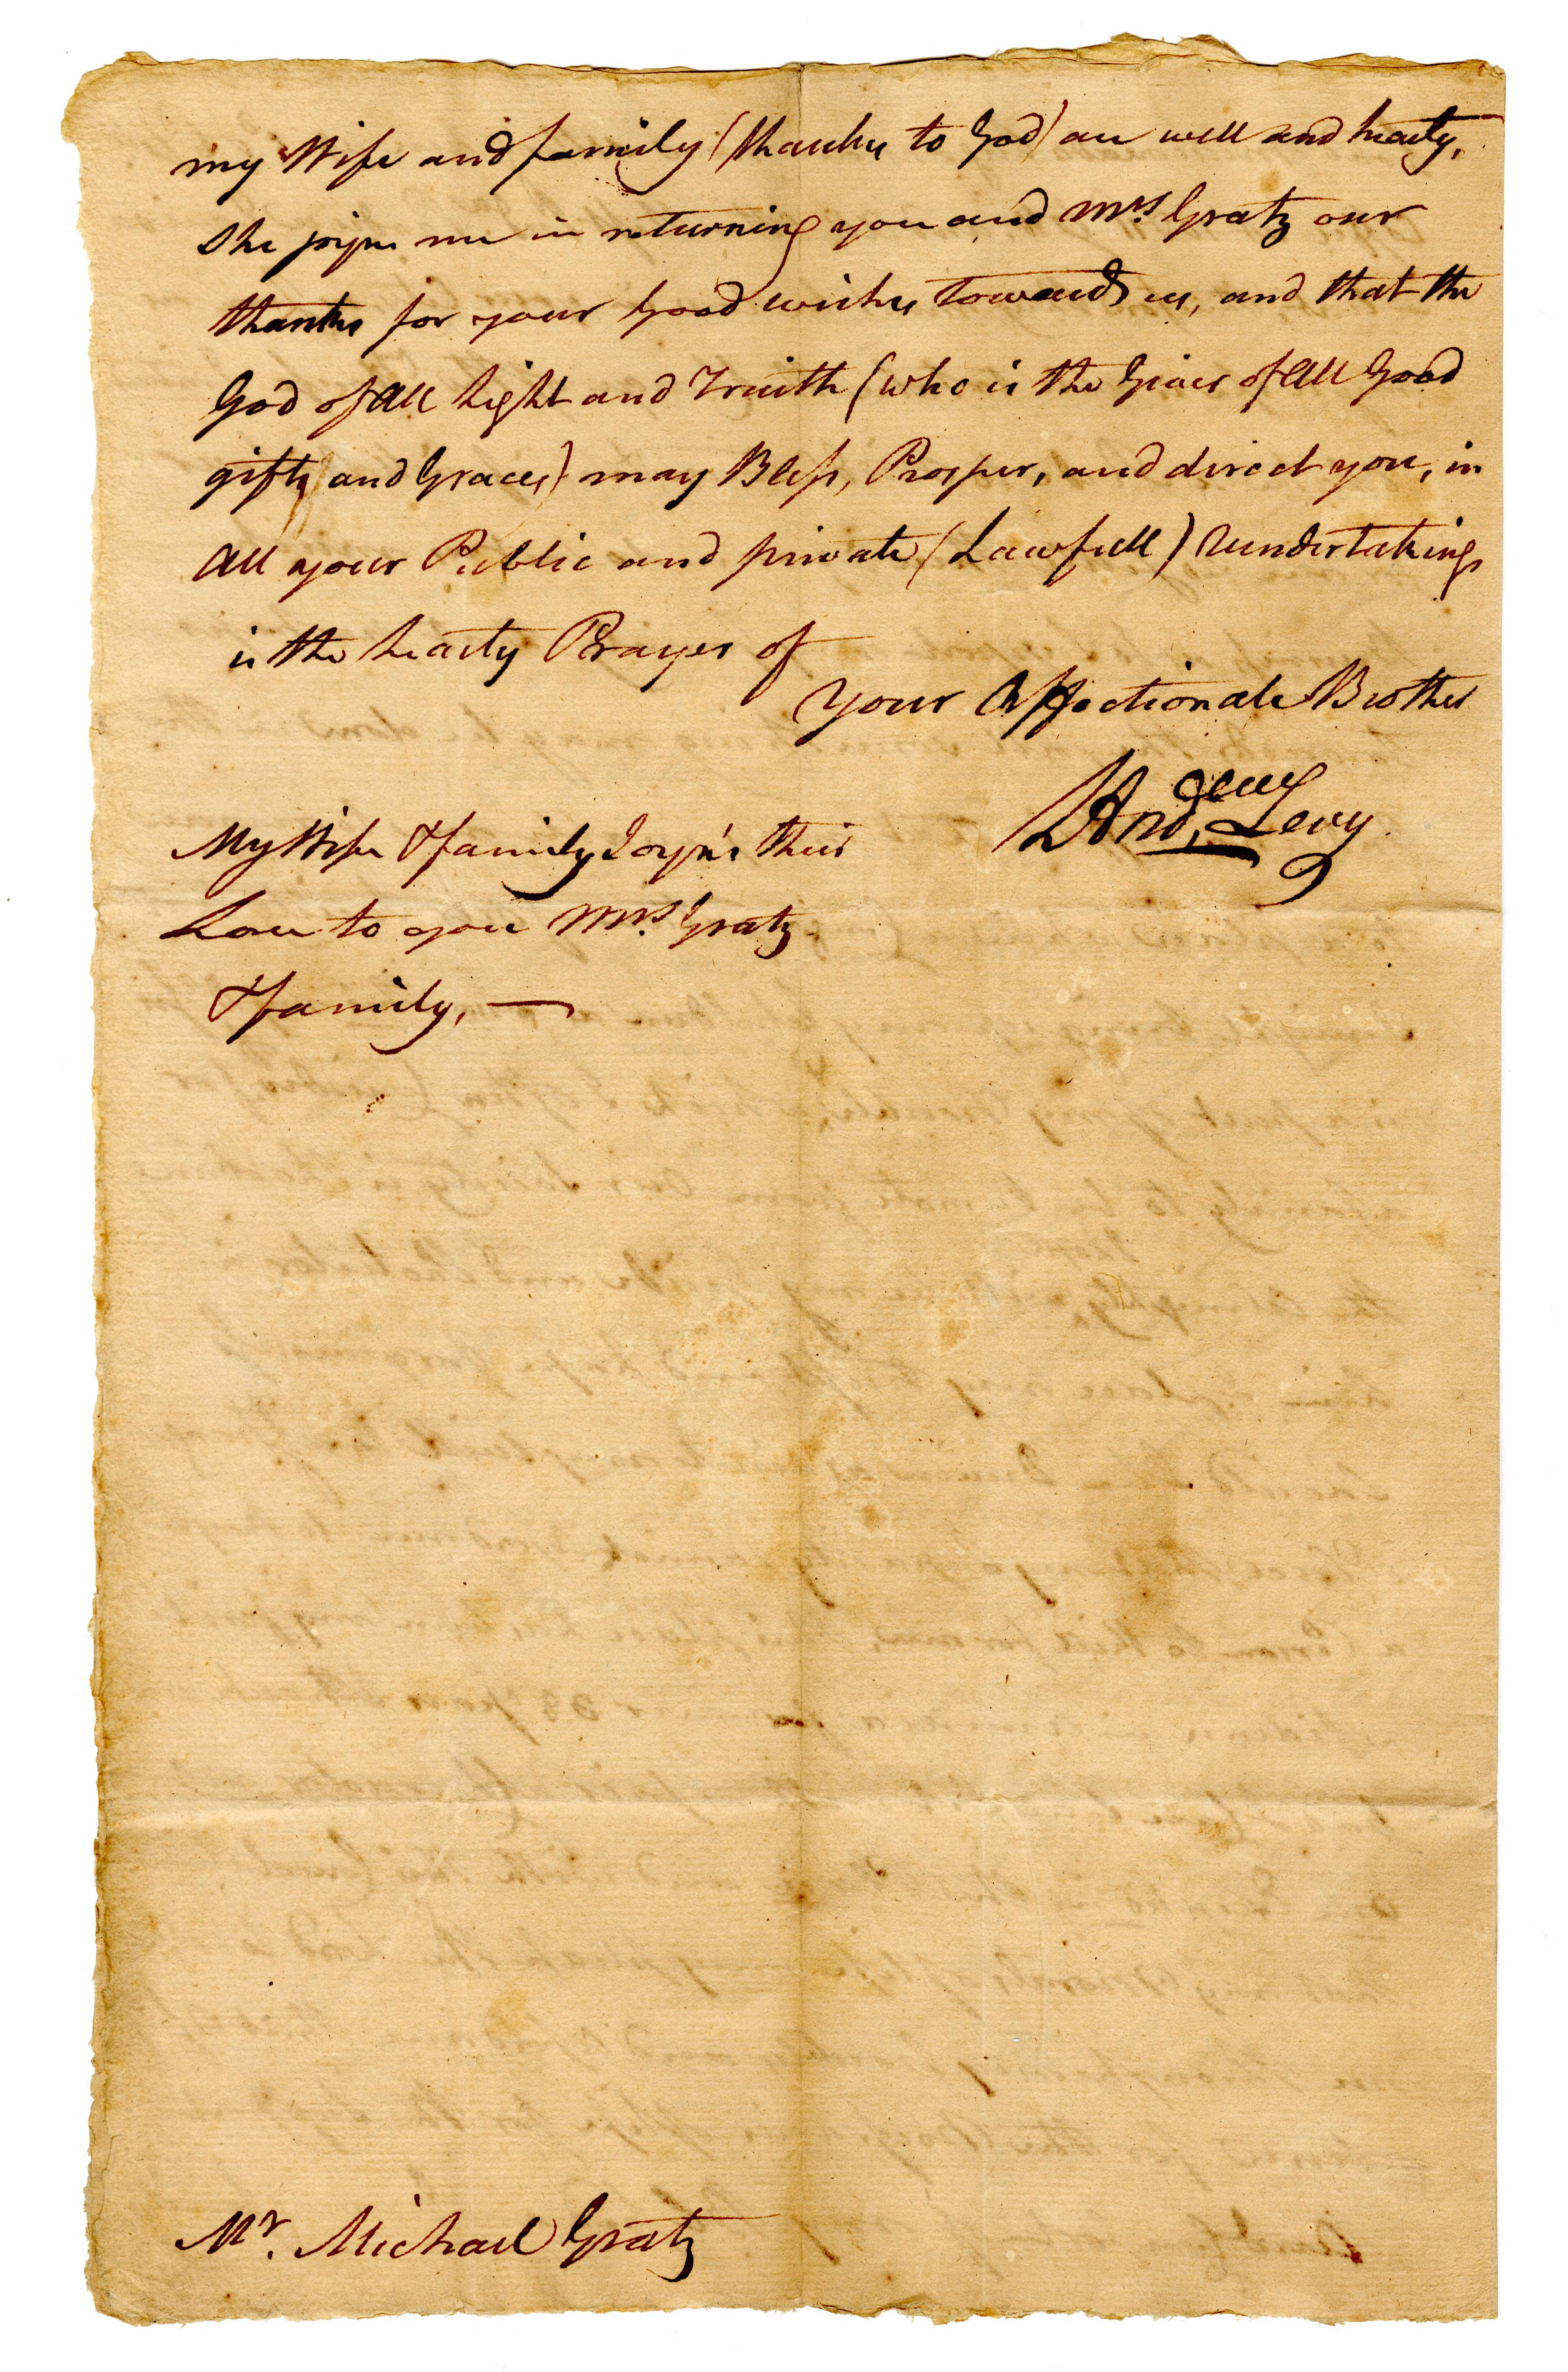my Wife and family thankes to god are well and hearty,
she joyns me in returning you and M^rs Gratz our
thanks for your Good wishes towards us, and that the
God of All Light and Truith (who is the Giver of All Good
gifts and Graces) may Bless, Prosper, and direct you, in
All your Public and Private/Lawfull) undertaking
in the hearty Prayers of
Your Affectionate Brother
And^rew Levy
My wife & family Joyn's their
love to you M^rs. Gratz
family.-
M^r. Michael Gratz